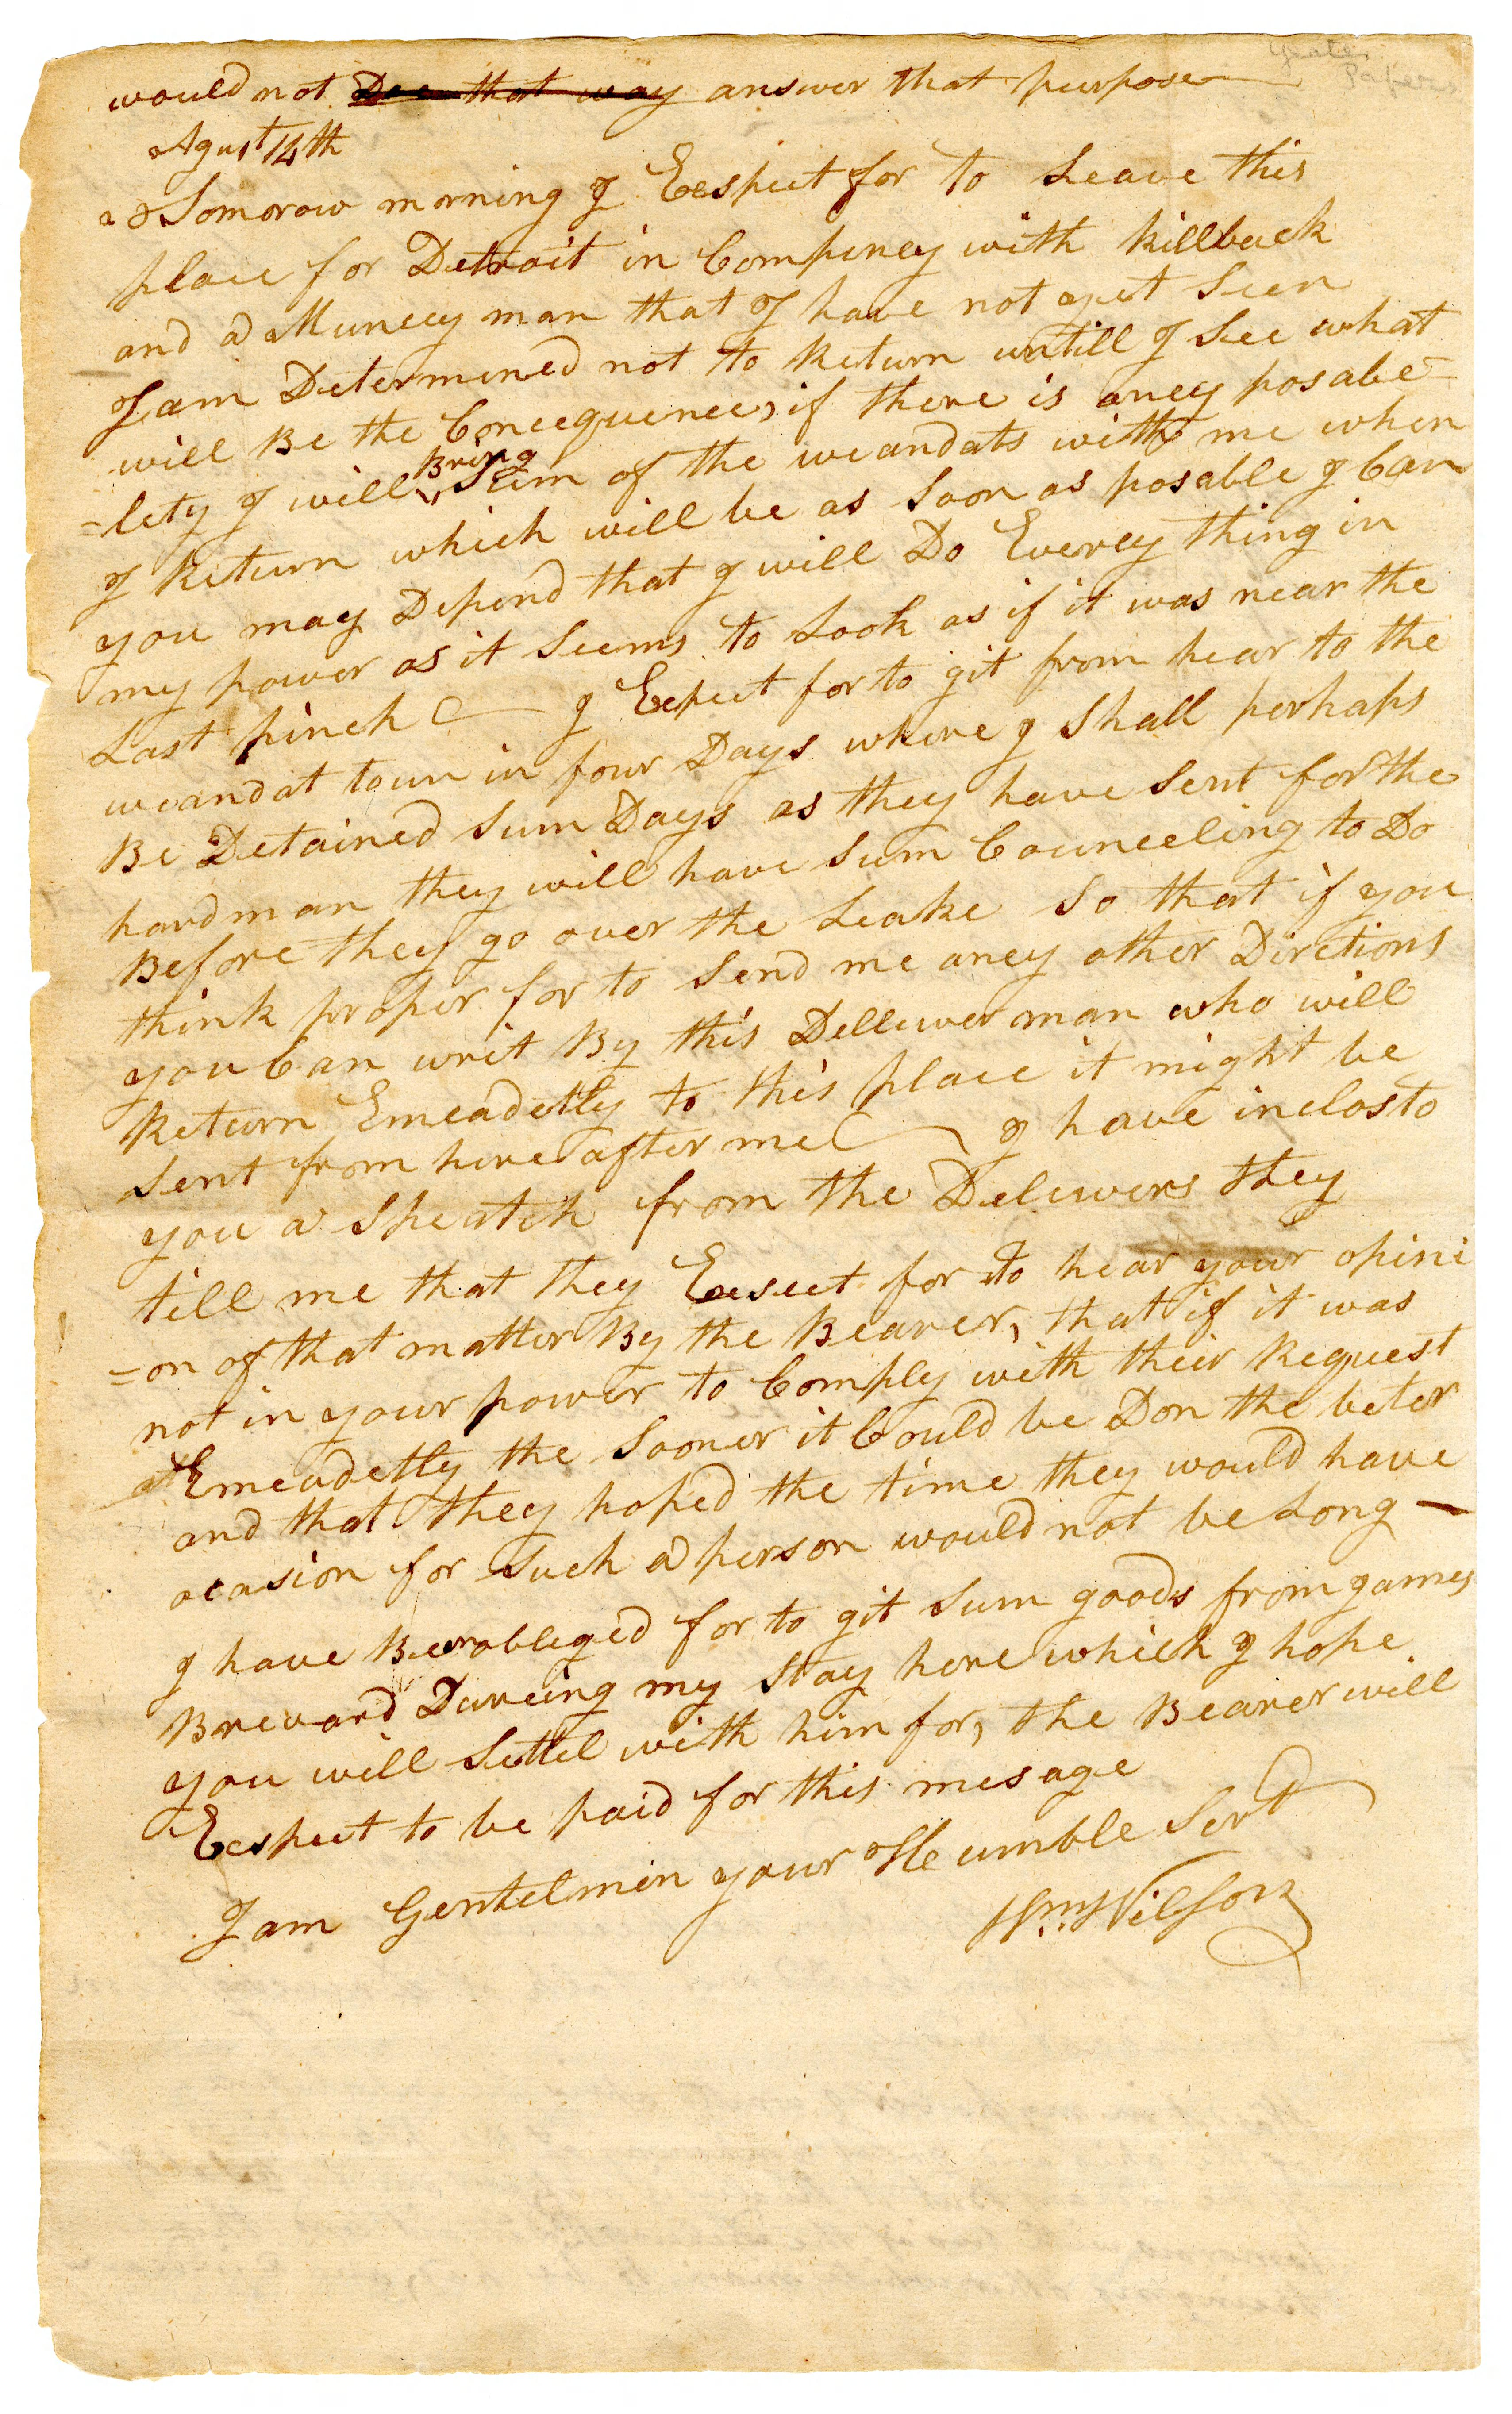would not [___] [that way] answer that purpose-
Agust 14th
Tomorow morning I Ecspect for to Leave this
place for Detroit in Compiney with killbuck
and a Muncey man that of have not yet Seen
I am Determined not to Return untill I see what
will Be the Concequences if there is aney posabe-
Bring
-lety I will^ Sum of the weandats with me when
I Return which will be as soon as posable I can
you may Depend that I will Do Everey thing in
my power as it Seems to Look as if it was near the
Last pinch- l Expect for to git from hear to the
weandat toun in four Days where I shall perhaps
Be Detained Sum Days as they have sent for the
hand man they will have Sum Counceling to Do
Before they go over the Leake So that if you
think proper for to Send me aney other Directions
you can writ By this Dellewer man who will
Return Emeadetly to this place it might be
sent from here after me- I have inclos to
you a speatch from the Delewers they
till me that they Exsect for to hear your opini
-on of that matter By the Beaver, that if it was
not in your power to Comply with their Request
Emeadetly, the Sooner it Could be Don the beter
and that they hoped the time they would have
ocasion for such a person would not be Long-
I have Been obliged for to git sum goods from games
Bore and Dureing my stay here which I hope
you will settel with him for, the Bearer will
Ecspct to be paid for this mesage
W^m. Wilson
I am Gentelmen your Humble Ser^t